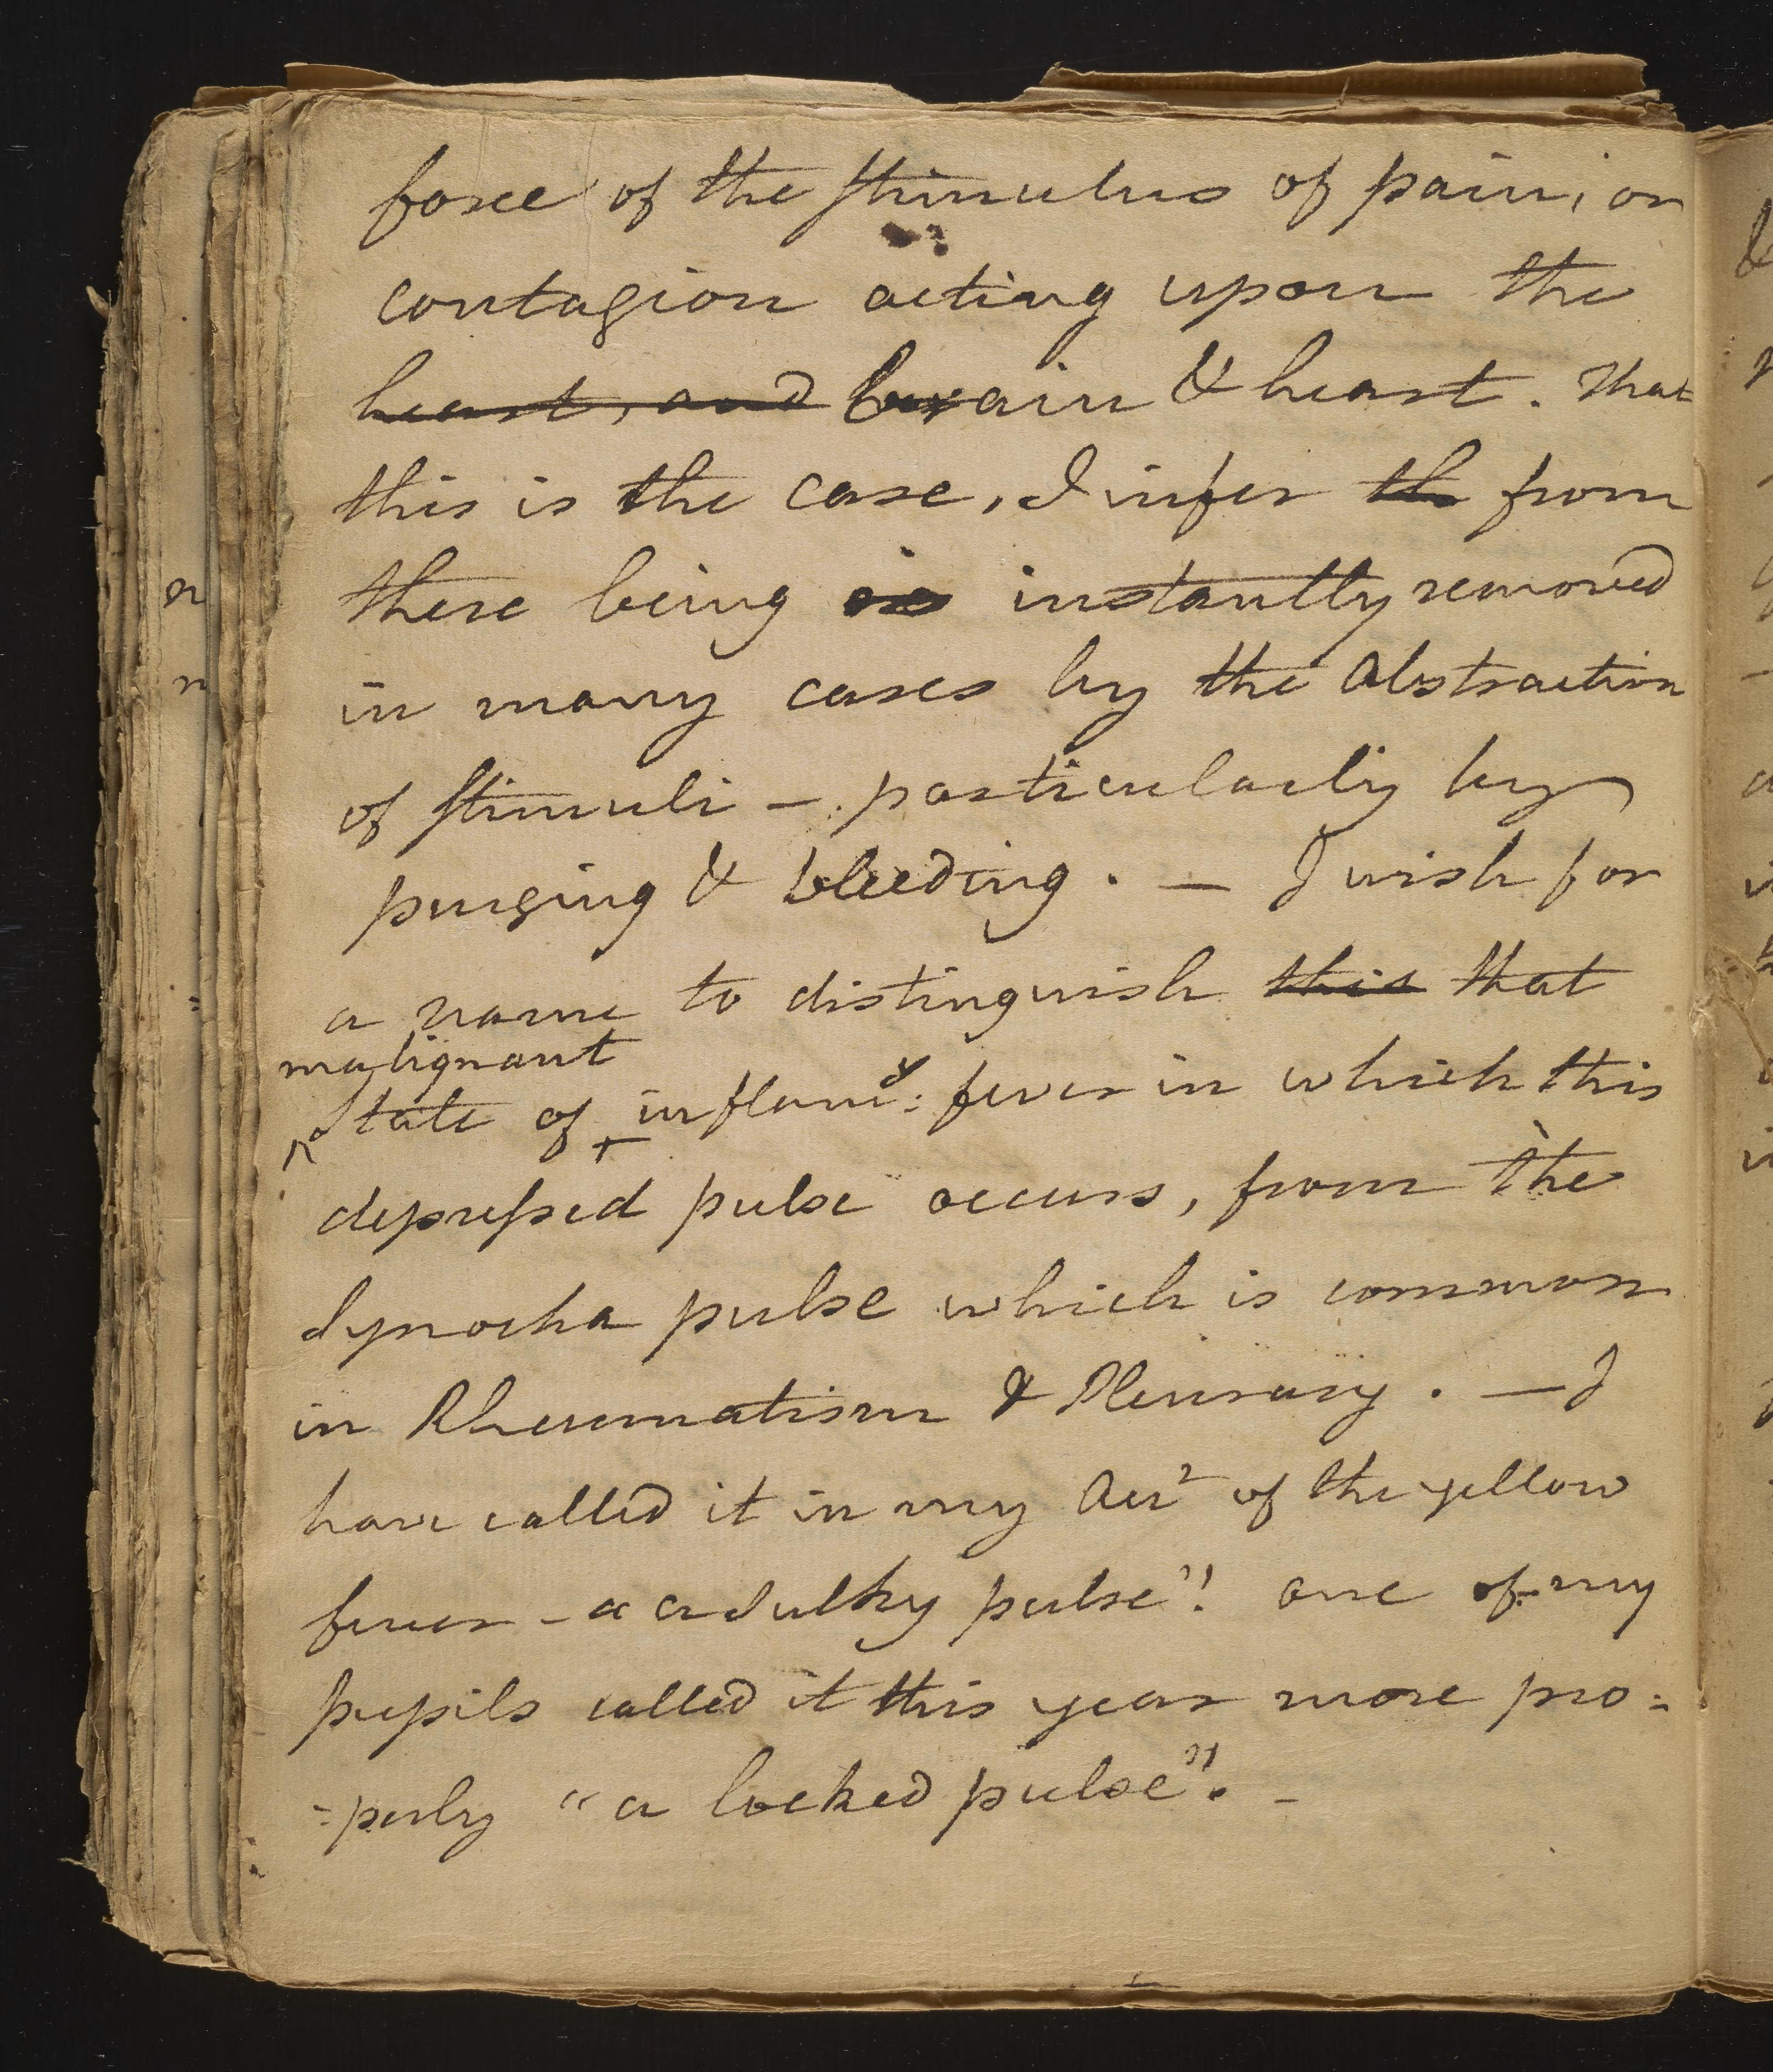force of the Stimulus of pain, or
contagion acting upon the
[heart, and] brain & heart. That
this is the case, I infer from
there being instantly removed
in many cases by the abstraction
of stimuli, particularly by
purging & bleeding. I wish for
a name to distinguish this that
malignant
^ state of inflam^y fever in which this
depressed pulse occurs, from the
Synocha pulse which is common
in Rheumatism & Pleurasy. I
have called it in my Air^2 of the yellow
fever, as a sulky pulse." one of my
pupils called it this year more pro-
-perly "a locked pulse."